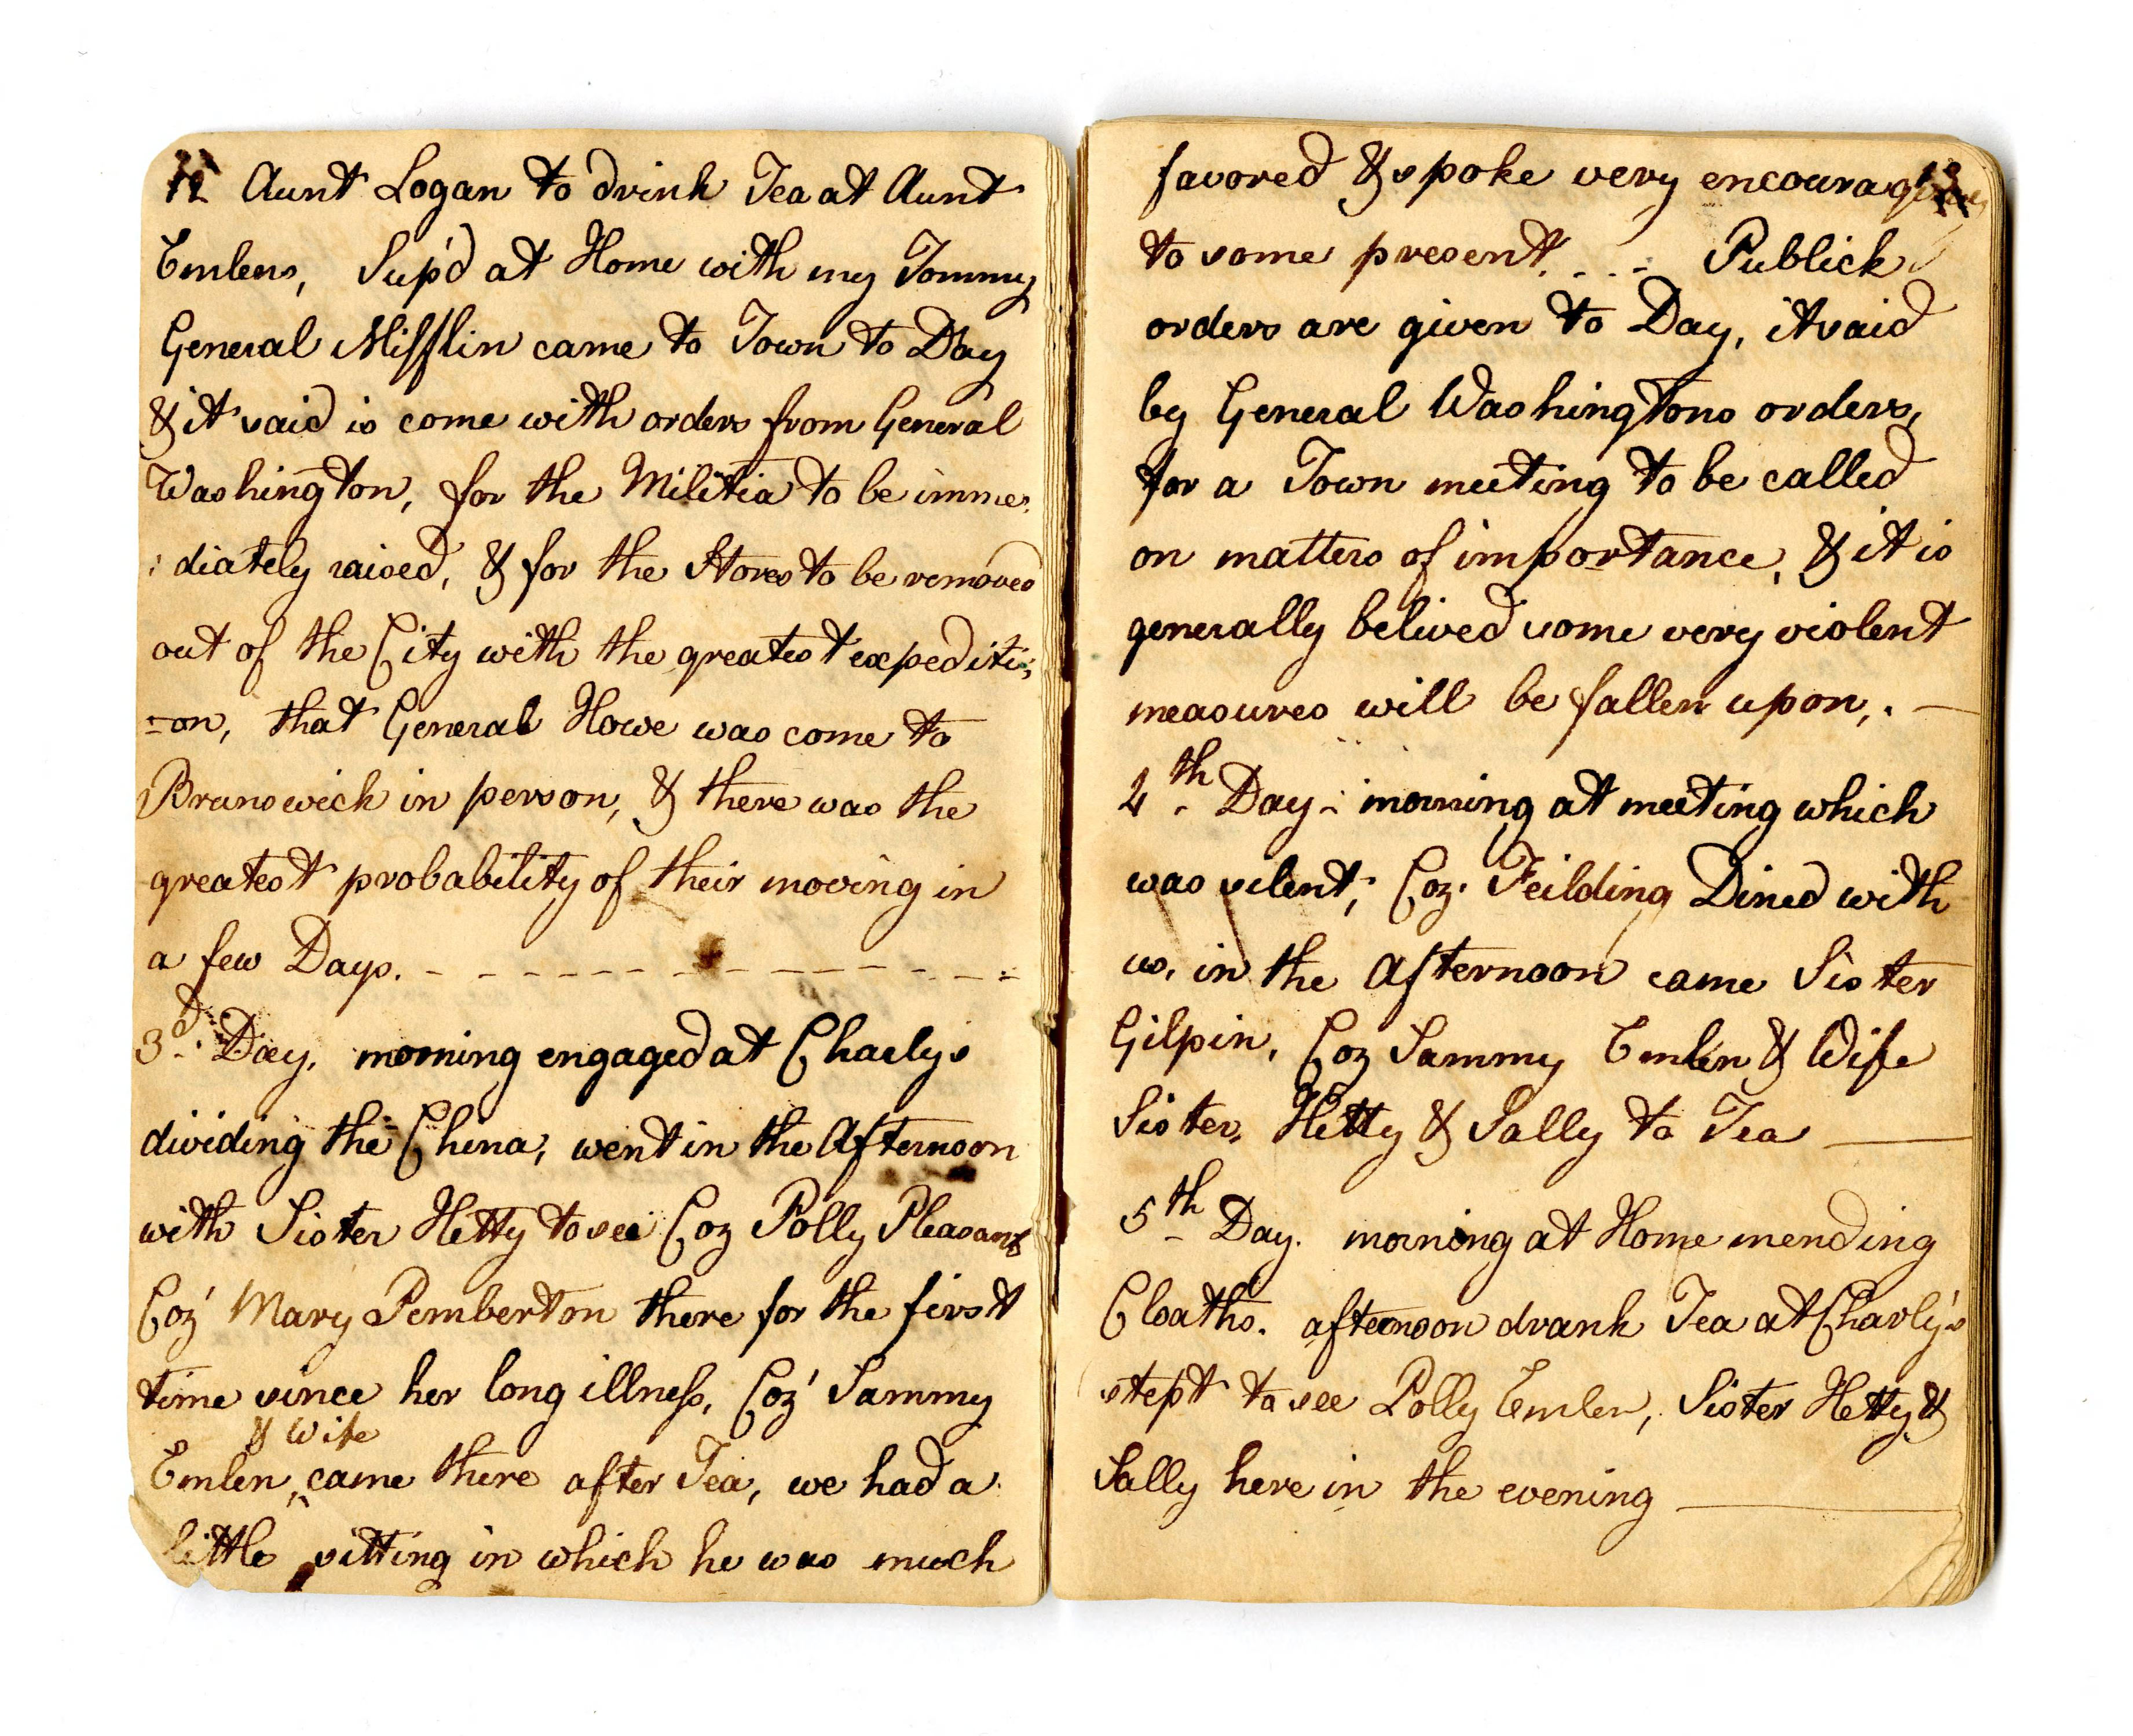Aunt Logan to drink Tea at Aunt
Emlens, Sup'd at Home with my Tommy
General Mifflin came to Town to Day
& it said is come with orders from General
Washington, for the Militia to imme-
-diately raised, & for the Stores to be removed
out of the City with the greatest expediti-
-on, that General Howe was come to
Brunswick in person, & there was the
greatest probability of their moving in
a few Days.-
3^d Day, morning engaged at Charlys
dividing the China, went in the Afternoon
with Sister Hetty to see Coz Polly Pleasants
Coz' Mary Pemberton there for the first
time since her long illness, Coz' Sammy
& Wife
Emlen ^ came there after Tea, we had a
little sitting in which he was much
favored & spoke very encouraging
to some present.... Publick
orders are given to Day, it said
by General Washingtons orders,
for a Town meeting to be called
on matters of importance, & it is
generally belived some very violent
measures will be fallen upon,.-
4^th. Day- morning at meeting which
was silent; Coz. Feilding Dined with
us, in the Afternoon came Sister
Gilpin, Coz Sammy Emlen & Wife
Sister, Hetty & Sally to Tea-
5^th Day. morning at Home mending
Cloaths. afternoon drank Tea at Charly's
stept to see Polly Emlen, Sister Hetty &
Sally here in the evening-